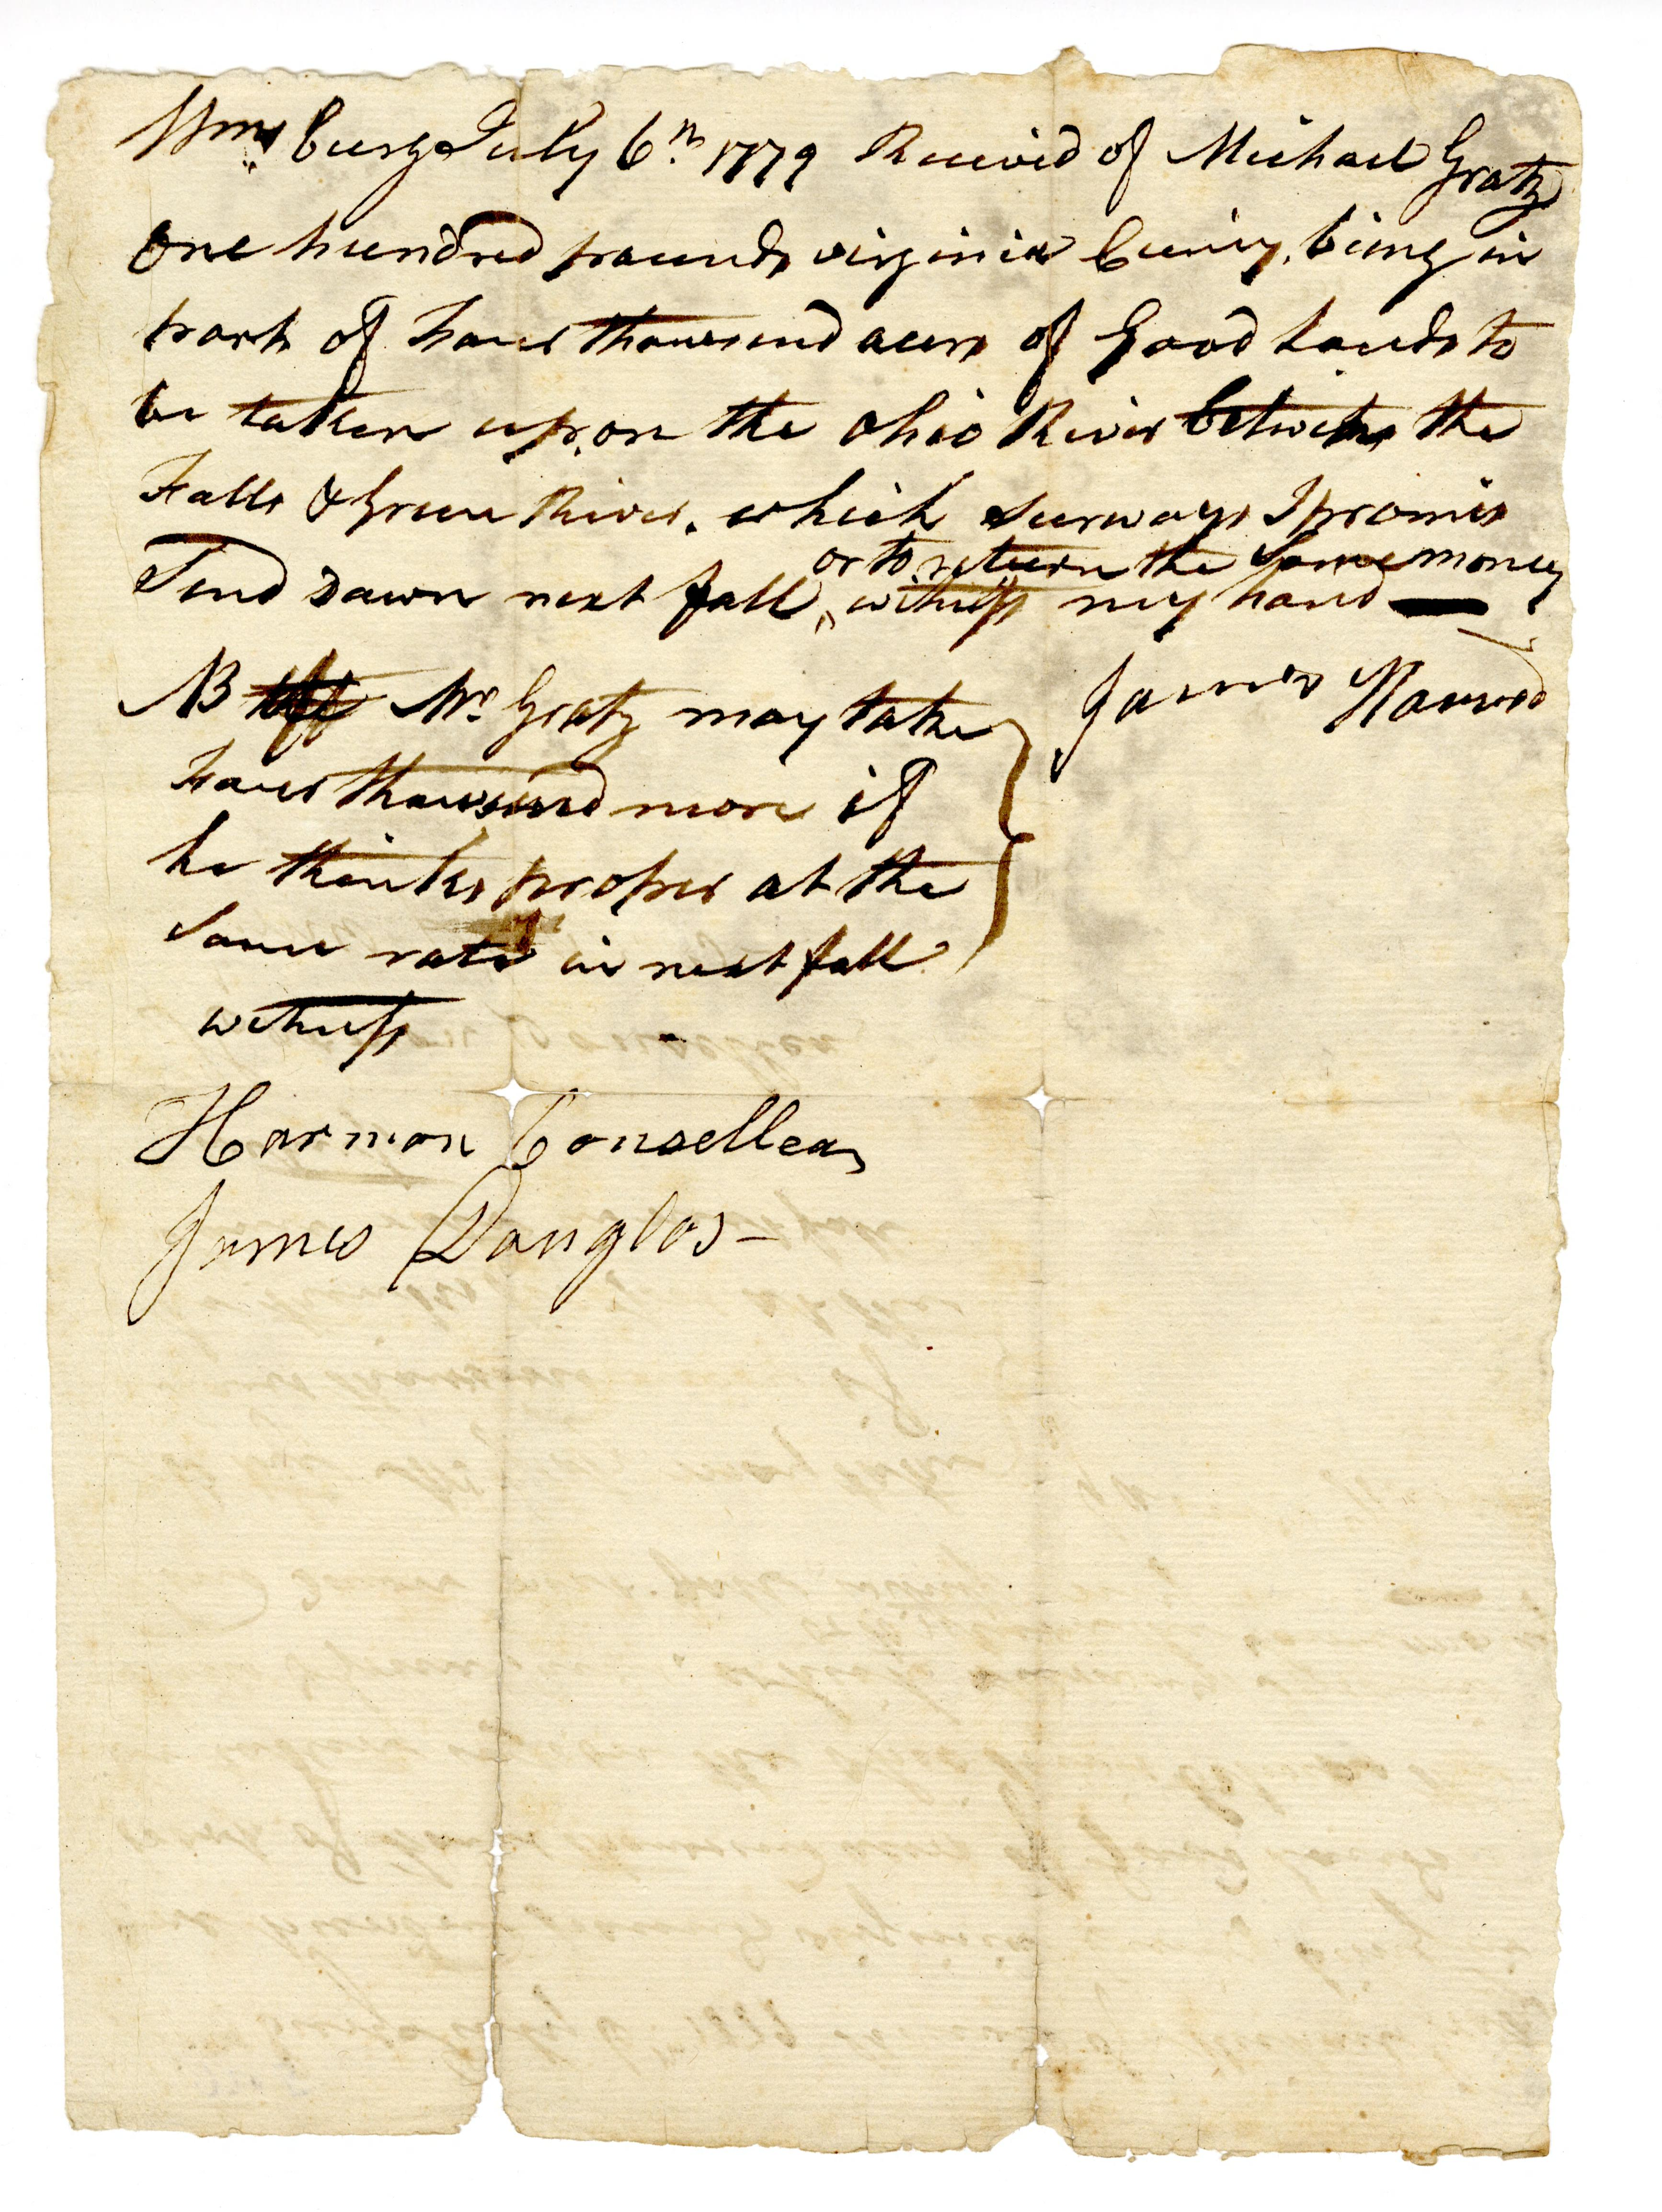W^ms burg July 6^th 1779
Received of Michael Gratz
One hundred pounds Virginia Curr'y being in
part of Land Thousand acres of Good Lands to
be taken upon the Ohio River between the
Falls & Green River, which Surways, I promis
send dawn next fall ^ wishes my hand.-
or to return the same money
NB [__] M^r Gratz may take
Four thousand more if
he thinks proper at the
same rate in next fall
witness
Harmon Consellea
James Douglas-
James Marred